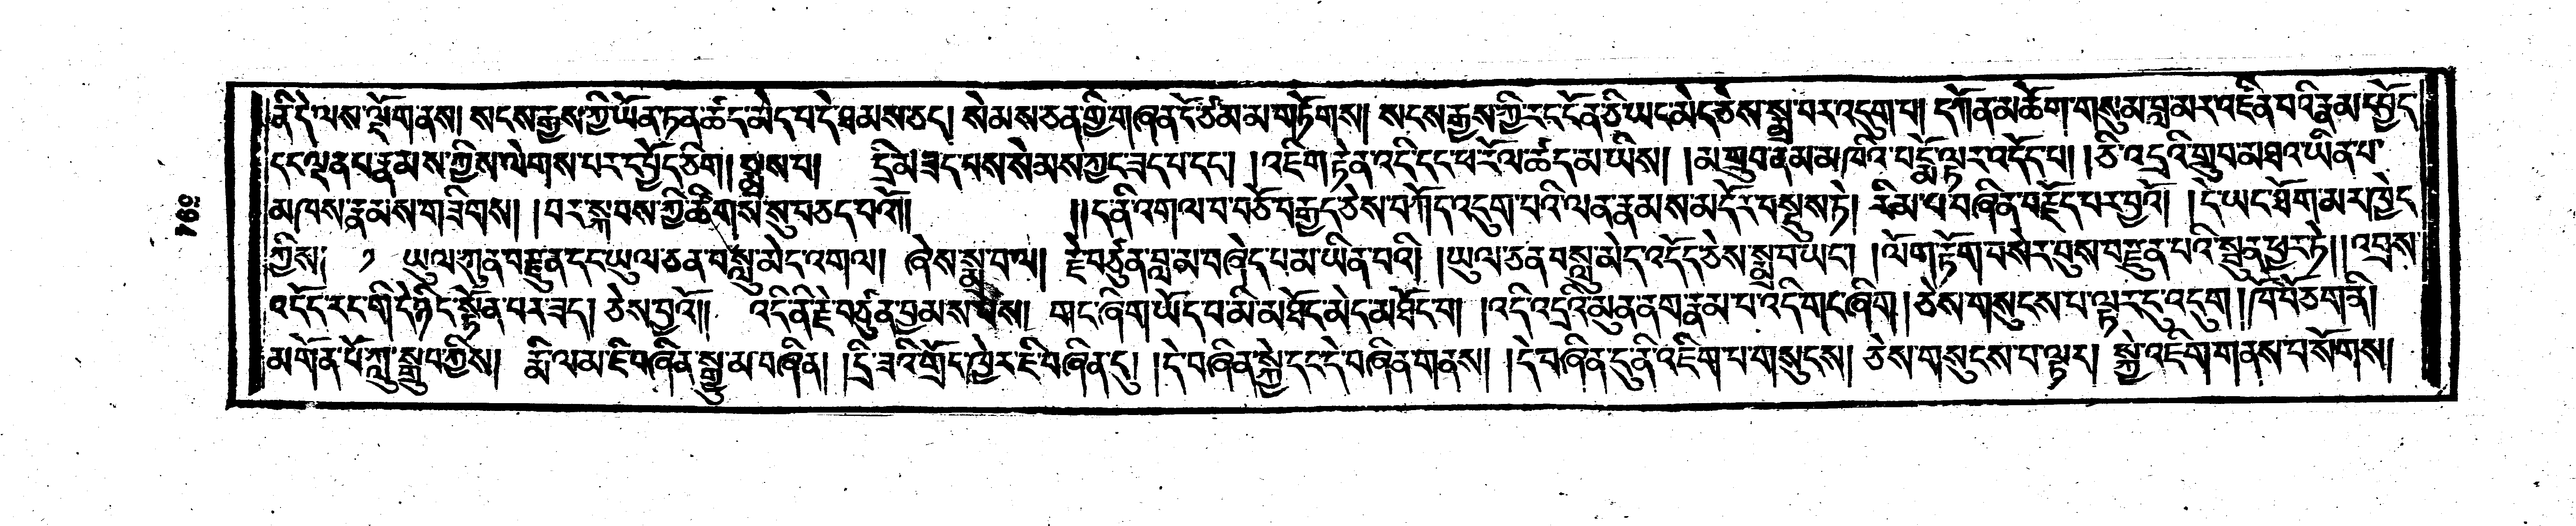ནི་དེ་ལས་ལྡོག་ནས། སངས་རྒྱས་ཀྱི་ཡོན་ཏན་ཚད་མེད་པ་དེ་ཐམས་ཅད། སེམས་ཅན་གྱི་གཞན་ངོ་ཙམ་མ་གཏོགས། སངས་རྒྱས་ཀྱི་རང་ངོ་ན་ཅི་ཡང་མེད་ཅེས་སྨྲ་བར་འདུག་པ། དཀོན་མཆོག་གསུམ་བླ་མར་འཛིན་པའི་རྣམ་དཔྱོད་
དང་ལྡན་པ་རྣམས་ཀྱིས་ལེགས་པར་དཔྱོད་ཅིག །སྨྲས་པ། དྲི་མ་ཟད་པས་སེམས་ཀྱང་ཟད་པ་དང་། །འཇིག་རྟེན་འདི་དང་ཕ་རོལ་ཚད་མ་ཡིས། །མ་གྲུབ་ནམ་མཁའི་པདམོ་ལྟར་འདོད་པ། །ཅི་འདྲའི་གྲུབ་མཐའ་ཡིན་པ་
མཁས་རྣམས་གཟིགས། །བར་སྐབས་ཀྱི་ཚིགས་སུ་བཅད་པའོ།། །།ད་ནི་འགལ་བ་བཅོ་བརྒྱད་ཅེས་བཀོད་འདུག་པའི་ལན་རྣམས་མདོར་བསྡུས་ཏེ། རིམ་པ་བཞིན་བརྗོད་པར་བྱའོ། །དེ་ཡང་ཐོག་མར་ཁྱེད་
ཀྱིས༑ ༡་ཡུལ་ཀུན་བརྫུན་དང་ཡུལ་ཅན་བསླུ་མེད་འགལ། ཞེས་སྨྲ་བ་ལ། རྗེ་བཙུན་བླ་མ་བཞེད་པ་མ་ཡིན་པའི། །ཡུལ་ཅན་བསླུ་མེད་འདོད་ཅེས་སྨྲ་བ་ཡང་། །ལོག་རྟོག་བསེར་བུས་བརྫུན་པའི་སྦུན་ཕྱིར་ཏེ། །འབྲས་
འདོད་རང་གི་དེ་ཉིད་སྟོན་པར་ཟད། ཅེས་བྱའོ། །འདི་ནི་རྗེ་བཙུན་བྱམས་པས། གང་ཞིག་ཡོད་པ་མི་མཐོང་མེད་མཐོང་བ། །འདི་འདྲའི་མུན་ནག་རྣམ་པ་འདི་གང་ཞིག །ཅེས་གསུངས་པ་ལྟར་དུ་འདུག །ཁོ་བོ་ཅག་ནི།
མགོན་པོ་ཀླུ་སྒྲུབ་ཀྱིས། །རྨི་ལམ་ཇི་བཞིན་སྒྱུ་མ་བཞིན། །དྲི་ཟའི་གྲོང་ཁྱེར་ཇི་བཞིན་དུ། །དེ་བཞིན་སྐྱེ་དང་དེ་བཞིན་གནས། །དེ་བཞིན་དུ་ནི་འཇིག་པ་གསུངས། ཅེས་གསུངས་པ་ལྟར། སྐྱེ་འཇིག་གནས་པ་སོགས།